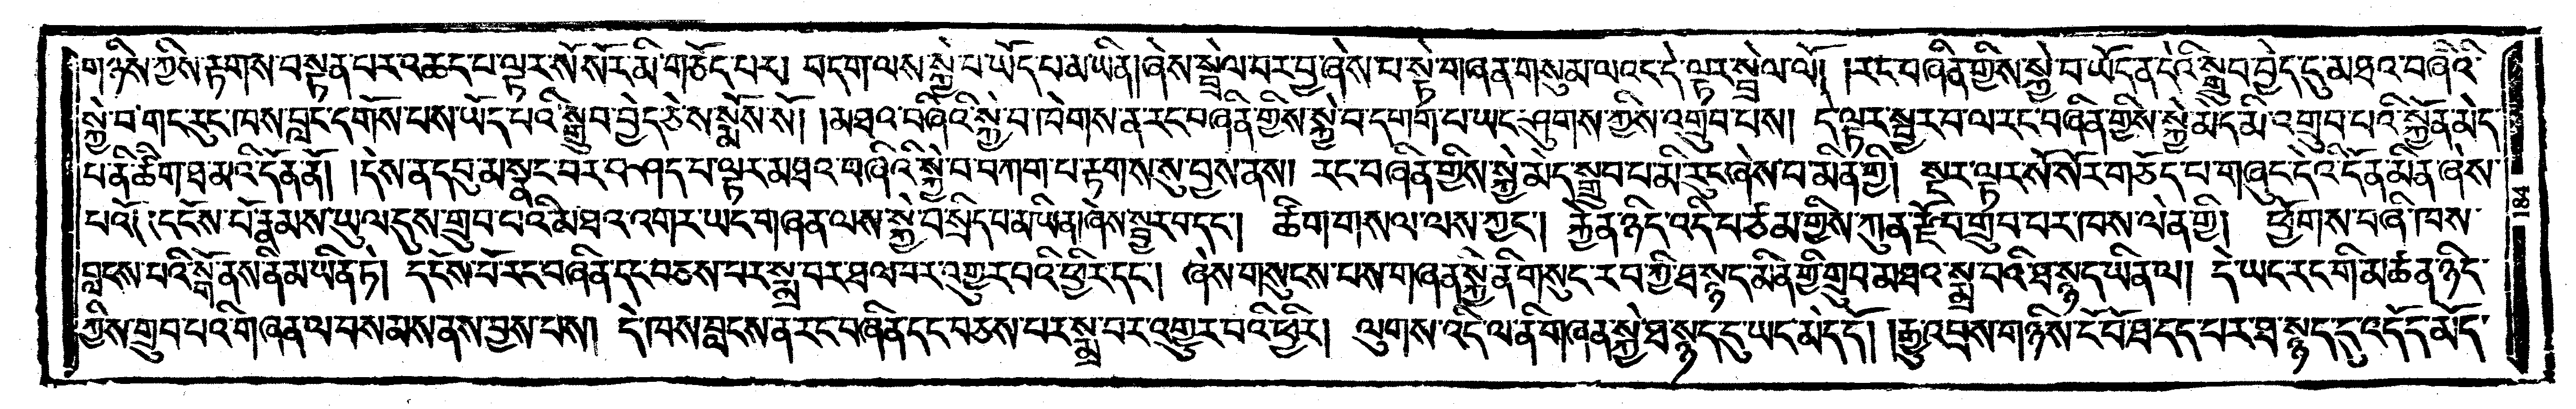གཉིས་ཀྱིས་རྟགས་བསྟན་པར་འཆད་པ་ལྟར་སོ་སོར་མི་གཅོད་པར། བདག་ལས་སྐྱེ་བ་ཡོད་པ་མ་ཡིན། ཞེས་སྦྲེལ་བར་བྱ་ཞེས་པ་སྟེ་གཞན་གསུམ་ལའང་དེ་ལྟར་སྦྲེལ་ལོ། །རང་བཞིན་གྱིས་སྐྱེ་བ་ཡོད་ན་དེའི་སྒྲུབ་བྱེད་དུ་མཐའ་བཞིའི་
སྐྱེ་བ་གང་རུང་ཁས་བླང་དགོས་པས་ཡོད་པའི་སྒྲུབ་བྱེད་ཅེས་སྨོས་སོ། །མཐའ་བཞིའི་སྐྱེ་བ་ཁེགས་ན་རང་བཞིན་གྱིས་སྐྱེ་བ་དགག་པ་ཡང་ཤུགས་ཀྱིས་འགྲུབ་པས། དེ་ལྟར་སྦྱར་བ་ལ་རང་བཞིན་གྱིས་སྐྱེ་མེད་མི་འགྲུབ་པའི་སྐྱོན་མེད་
པ་ནི་ཚིག་ཐ་མའི་དོན་ནོ། །དེས་ན་དབུ་མ་སྣང་བར་བཤད་པ་ལྟར་མཐའ་བཞིའི་སྐྱེ་བ་བཀག་པ་རྟགས་སུ་བྱས་ནས། རང་བཞིན་གྱིས་སྐྱེ་མེད་སྒྲུབ་པ་མི་རུང་ཞེས་པ་མིན་གྱི། སྔར་ལྟར་སོ་སོར་གཅོད་པ་གཞུང་དེའི་དོན་མིན་ཞེས་
པའོ། །དངོས་པོ་རྣམས་ཡུལ་དུས་གྲུབ་པའི་མཐའ་འགར་ཡང་གཞན་ལས་སྐྱེ་བ་སྲིད་པ་མ་ཡིན། ཞེས་སྦྱར་བ་དང་། ཚིག་གསལ་ལས་ཀྱང་། རྐྱེན་ཉིད་འདི་པ་ཙམ་གྱིས་ཀུན་རྫོབ་གྲུབ་པར་ཁས་ལེན་གྱི། ཕྱོགས་བཞི་ཁས་
བླངས་པའི་སྒོ་ནས་ནི་མ་ཡིན་ཏེ། དངོས་པོ་རང་བཞིན་དང་བཅས་པར་སྨྲ་བར་ཐལ་བར་འགྱུར་པའི་ཕྱིར་དང་། ཞེས་གསུངས་པས་གཞན་སྐྱེ་ནི་གསུང་རབ་ཀྱི་ཐ་སྙད་མིན་གྱི་གྲུབ་མཐའ་སྨྲ་བའི་ཐ་སྙད་ཡིན་ལ། དེ་ཡང་རང་གི་མཚན་ཉིད་
ཀྱིས་གྲུབ་པའི་གཞན་ལ་བསམས་ནས་བྱས་པས། དེ་ཁས་བླངས་ན་རང་བཞིན་དང་བཅས་པར་སྨྲ་བར་འགྱུར་བའི་ཕྱིར། ལུགས་འདི་ལ་ནི་གཞན་སྐྱེ་ཐ་སྙད་དུ་ཡང་མེད་དོ། །རྒྱུ་འབྲས་གཉིས་ངོ་བོ་ཐ་དད་པར་ཐ་སྙད་དུ་འདོད་མོད་